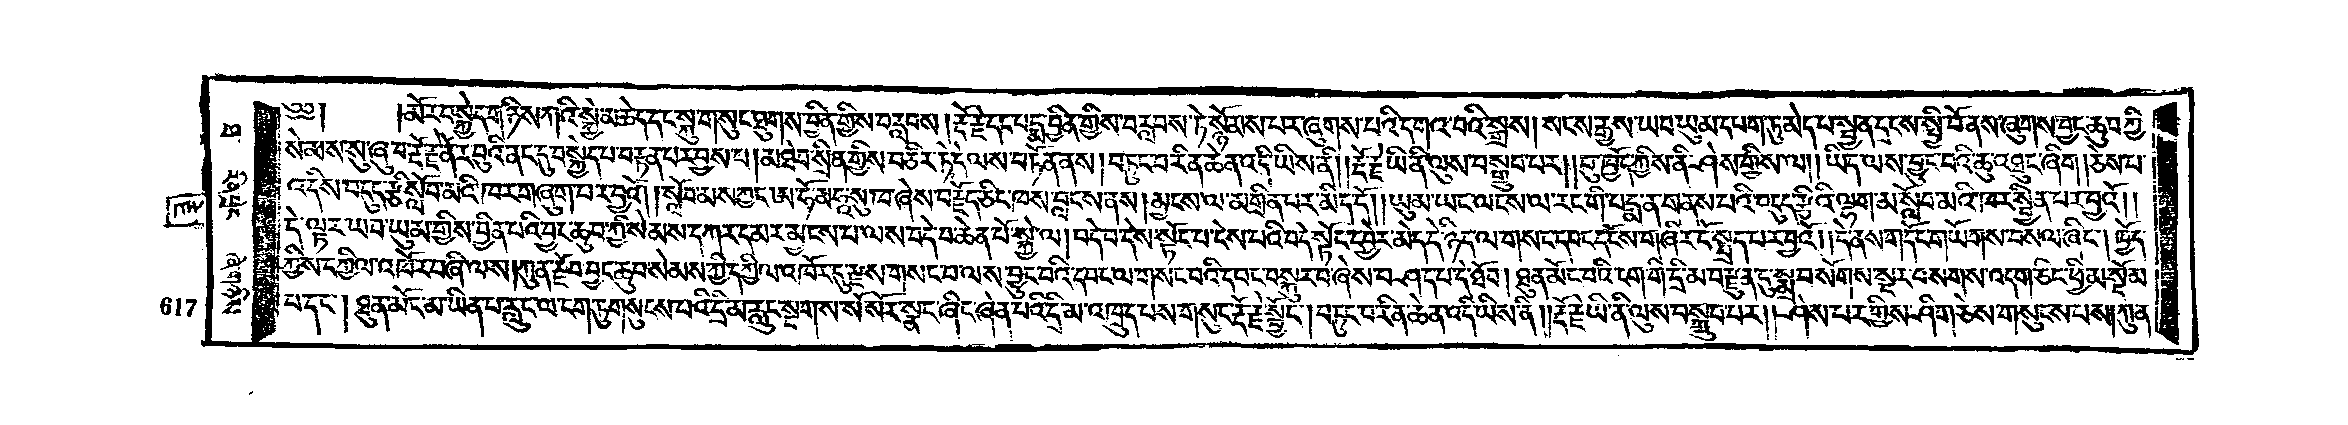༄༅། །མོར་བསྐྱེད་གཉིས་ཀའི་སྐྱེ་མཆེད་དང་སྐུ་གསུང་ཐུགས་བྱིན་གྱིས་བརླབས། རྡོ་རྗེ་དང་པདམ་བྱིན་གྱིས་བརླབས་ཏེ་སྙོམས་པར་ཞུགས་པའི་དགའ་བའི་སྒྲས། སངས་རྒྱས་ཡབ་ཡུམ་དཔག་ཏུ་མེད་པ་སྤྱན་དྲངས་སྤྱི་བོ་ནས་ཞུགས་བྱང་ཆུབ་ཀྱི་
སེམས་སུ་ཞུ་བ་རྡོ་རྗེ་ནོར་བུའི་ནང་དུ་བསྐྱེད་པ་བརྟན་པར་བྱས་པ། མཐེབ་སྲིན་གྱིས་བཅིར་ཏེ་དེ་ལས་བཏོན་ནས། བཏུང་བ་རིན་ཆེན་འདི་ཡིས་ནི། །རྡོ་རྗེ་ཡི་ནི་ལུས་བསྒྲུབ་པར། །བུ་ཁྱོད་ཀྱིས་ནི་ཤེས་ཀྱིས་ལ། །ཡིད་ལས་བྱུང་བའི་ཆུ་འཐུང་ཞིག །ཅེས་པ་
འདིས་བདུད་རྩི་སློབ་མའི་ཁར་གཞུག་པར་བྱའོ། །སློབ་མས་ཀྱང་ཨ་ཧོ་མཧཱ་སུ་ཁ་ཞེས་བརྗོད་ཅིང་ཁས་བླངས་ནས། མྱངས་ལ་མགྲིན་པར་མིད་དོ། །ཡུམ་ཡང་ལངས་ལ་རང་གི་པདམ་ན་གནས་པའི་བདུད་རྩིའི་ལྷག་མ་སློབ་མའི་ཁར་སྦྱིན་པར་བྱའོ། །
དེ་ལྟར་ཡབ་ཡུམ་གྱིས་བྱིན་པའི་བྱང་ཆུབ་ཀྱི་སེམས་དཀར་དམར་མྱངས་པ་ལས་བདེ་བ་ཆེན་པོ་སྐྱེ་ལ། བདེ་བ་དེས་སྟོང་པ་ངེས་པའི་བདེ་སྟོང་དབྱེར་མེད་དེ་ཉིད་ལ་གསང་དབང་དངོས་གཞིར་ངོ་སྤྲད་པར་བྱའོ། །དེ་ནས་གདོང་གཡོགས་བསལ་ཞིང་། ཁྱོད་
ཀྱིས་དཀྱིལ་འཁོར་བཞི་ལས། ཀུན་རྫོབ་བྱང་ཆུབ་སེམས་ཀྱི་དཀྱིལ་འཁོར་དུ་རྫས་གསང་བ་ལས་བྱུང་བའི་དབང་ལ་གསང་བའི་དབང་བསྐུར་བ་ཞེས་བཤད་པ་དེ་ཐོབ། ཐུན་མོང་བའི་ངག་གི་དྲི་མ་བརྫུན་དུ་སྨྲ་བ་སོགས་སྔར་བསགས་འདག་ཅིང་ཕྱི་མ་སྡོམ་
པ་དང་། ཐུན་མོང་མ་ཡིན་པ་རླུང་ལ་ངག་ཏུ་གསུངས་པའི་དྲི་མ་རླུང་སྔགས་སོ་སོར་སྣང་ཞིང་ཞེན་པའི་དྲི་མ་འཁྲུད་པས་གསུང་རྡོ་རྗེ་སྦྱོང་། བཏུང་བ་རིན་ཆེན་འདི་ཡིས་ནི། །རྡོ་རྗེ་ཡི་ནི་ལུས་བསྒྲུབ་པར། །ཤེས་པར་གྱིས་ཤིག་ཅེས་གསུངས་པས། ཀུན་